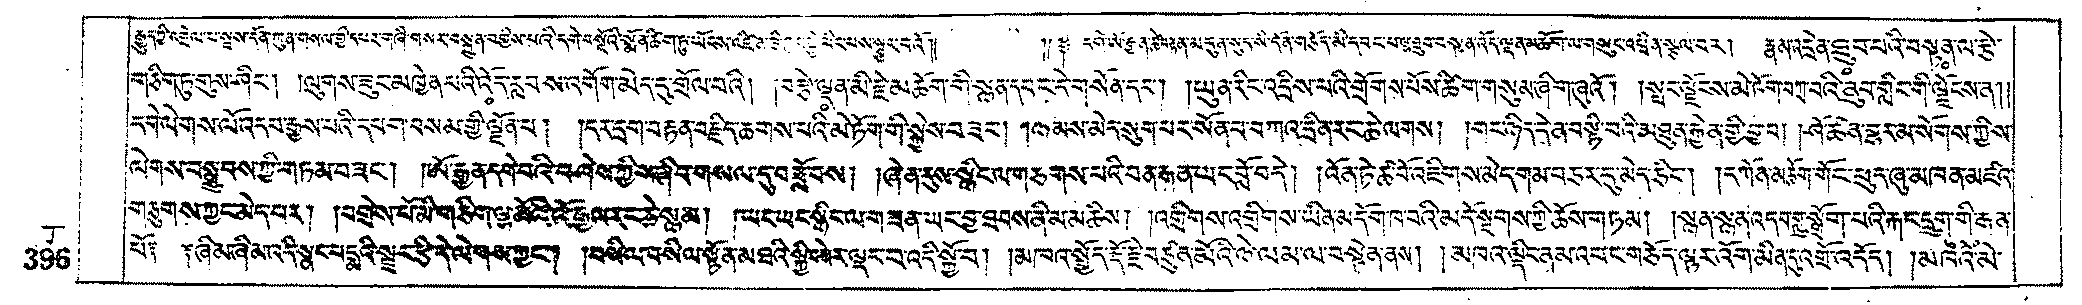རྒྱུད་ཀྱི་འགྲེལ་པ་སྦས་དོན་ཀུན་གསལ་གྱི་དཔར་གཞི་གསར་བསྐྲུན་བགྱིས་པའི་དགེ་བསྔོའི་སྨོན་ཚིག་ཏུ་ཡོངས་འཛིན་ཁྲི་བྱང་སྐྱེ་མིང་པས་སྦྱར་བའོ།། །།འ་དགེ་ཨོ་རྒྱན་ཚེ་བརྟན་མདུན་སུད་སི་དོན་གཅོད་མི་དབང་པ་ལྷ་ཐུབ་བསྟན་འོད་ལྡན་མཆོག་ལ་གསུང་འཕྲིན་སྩལ་བར། རྣམ་འདྲེན་ཐུབ྾་པའི་བསྟན྾་ལ་རྩེ་
གཅིག་ཏུ་གུས་ཤིང་། །ལུགས་ཟུང་མཁྱེན་པའི་འོད྾་རླབས་འགོག་མེད་དུ་གྲོལ་བའི། །བརྩེ་ལྡན྾་མི་རྗེ་མཆོག་གི་སྙན་དབང་དེ་གསོན་དང་། །ཡུན་རིང་འདྲིས་པའི་གྲོགས་པོས་ཚིག་གསུམ་ཞིག་ཞུའོ། །སྤང་ལྗོངས་མེ་ཏོག་བཀྲ་བའི་ནུབ་གླིང་གི་ལྗོངས་ན།།
དགེ་ལེགས་ལོ་འདབ་རྒྱས་པའི་དཔག་བསམ་གྱི་ལྗོན་པ། །དར་དྲག་བརྟན་བརྗིད་ཆགས་པའི་མེ་ཏོག་གི་སྐྱེས་བཟང་། །ཉམས་མེད་སུག་པར་སོན་པ་བཀའ་དྲིན་རང་ཆེ་ལགས། །གང་ཉིད་དེ་ན་བསྟི་བའི་མཐུན་རྐྱེན་གྱི་བྱ་བ། །ཤོ་ཚན་བྷར་མ་སོགས་ཀྱིས་
ལེགས་བསྒྲུབས་ཀྱི་གཏམ་བཟང་། །ཨོ་རྒྱན་དགེ་བའི་བཤེས་ཀྱིས་ཞིབ་གསལ་དུ་བཟློ་བས། །ཞེན་རུས་སྙིང་ལ་གཅགས་པའི་བན་རྒན་ཡང་བློ་བདེ། །འོན་ཏེ་ཚ་བོ་འཇིགས་མེད་གམ་བཅར་དུ་མེད་ཅིང་། །དཀོན་མཆོག་གོང་ཕུད་ཞུ་མཁན་མཛའ་
གཅུགས་ཀྱང་མེད་པར། །བགྲེས་པོ་མི་གཅིག་ལྷ་མོའི་འོ་རྒྱལ་རང་ཆེ་སྙམ། །ཡང་ཡང་སྙིང་ལ་གཟན་ཡང་བྱ་ཐབས་ནི་མ་མཆིས། །འགྲིགས་འགྲིགས་ཡིན་མདོག་ཁ་བའི་མདོ་སྔགས་ཀྱི་ཆོས་གཏམ། །སྙན་སྙན་འདབ་གླུ་སྒྲོག་པའི་རྐང་དྲུག་གི་རྒན་
པོ༑ ༑ཞིམ་ཞིམ་འདི་སྣང་པདམའི་སྦྲང་རྩི་དེ་ལེགས་ཀྱང་། །བསིལ་བསིལ་སྟོན་མཐའི་སྐྱི་བསེར་ལྡང་བ་འདི་སྐྱོ་བ། །མཁའ་སྤྱོད་རྡོ་རྗེ་བཙུན་མོའི་ཉེ་ལམ་ལ་བསྟེན་ནས། །མཁའ་ལྡིང་ནམ་འཕང་གཅོད་ལྟར་འོག་མིན་དུ་འགྲོ་འདོད། །མཁའ་མེ་